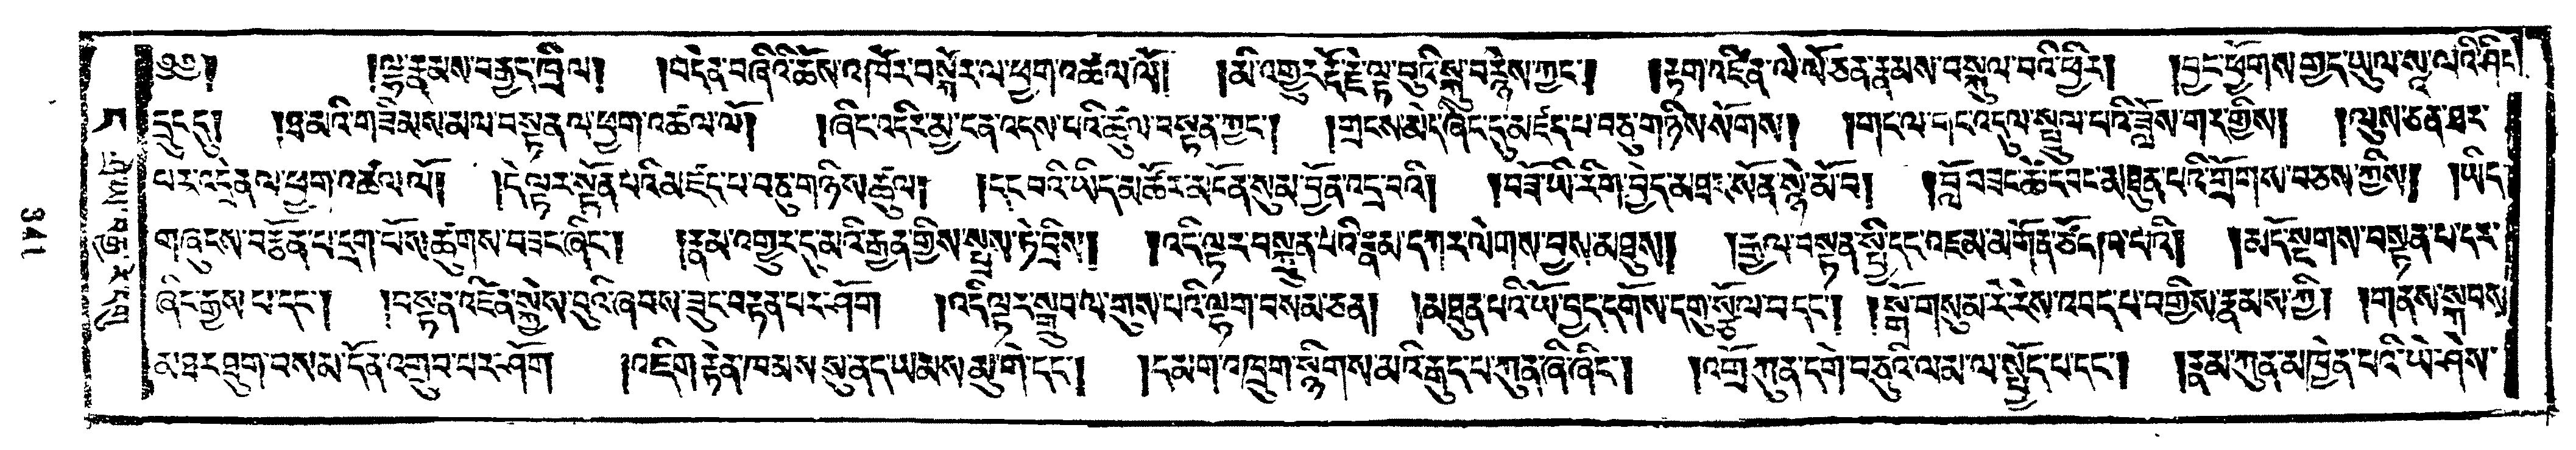༄༅། །ལྷ་རྣམས་བརྒྱད་ཁྲི་ལ། །བདེན་བཞིའི་ཆོས་འཁོར་བསྐོར་ལ་ཕྱག་འཚལ་ལོ། །མི་འགྱུར་རྡོ་རྗེ་ལྟ་བུའི་སྐུ་བརྙེས་ཀྱང་། །རྟག་འཛིན་ལེ་ལོ་ཅན་རྣམས་བསྐུལ་བའི་ཕྱིར། །བྱང་ཕྱོགས་གྱད་ཡུལ་སཱ་ལའི་ཤིང་
དྲུང་དུ། །ཐ་མའི་གཟིམས་མལ་བསྟན་ལ་ཕྱག་འཚལ་ལོ། །ཞིང་འདིར་མྱ་ངན་འདས་པའི་ཚུལ་བསྟན་ཀྱང་། །གྲངས་མེད་ཞིང་དུ་མཛད་པ་བཅུ་གཉིས་སོགས། །གང་ལ་གང་འདུལ་སྤྲུལ་པའི་ཟློས་གར་གྱིས། །ལུས་ཅན་ཐར་
པར་འདྲེན་ལ་ཕྱག་འཚལ་ལོ། །དེ་ལྟར་སྟོན་པའི་མཛད་པ་བཅུ་གཉིས་ཚུལ། །དང་བའི་ཡིད་མཚོར་མངོན་སུམ་བྱོན་འདྲ་བའི། །བཟོ་ཡི་རིག་བྱེད་མཐར་སོན་སྙེ་མོ་བ། །བློ་བཟང་ཚེ་དབང་མཐུན་པའི་གྲོགས་བཅས་ཀྱིས། །ཡིད་
གཞུངས་བརྩོན་པ་དྲག་པོས་ཚུགས་བཟང་ཞིང་། །རྣམ་འགྱུར་དུ་མའི་རྒྱན་གྱིས་སྤྲས་ཏེ་བྲིས། །འདི་ལྟར་བསྐྲུན་པའི་རྣམ་དཀར་ལེགས་བྱས་མཐུས། །རྒྱལ་བསྟན་སྤྱི་དང་འཇམ་མགོན་ཙོང་ཁ་པའི། །མདོ་སྔགས་བསྟན་པ་དར་
ཞིང་རྒྱས་པ་དང་། །བསྟན་འཛིན་སྐྱེས་བུའི་ཞབས་ཟུང་བརྟན་པར་ཤོག །འདི་ལྟར་སྒྲུབ་ལ་གུས་པའི་ལྷག་བསམ་ཅན། །མཐུན་པའི་ཡོ་བྱད་དགོས་དགུ་སྩོལ་བ་དང་། །སྒོ་གསུམ་རེ་རེས་འབད་པ་བགྱིས་རྣམས་ཀྱི། །གནས་སྐབས་
མཐར་ཐུགས་བསམ་དོན་འགྲུབ་པར་ཤོག །འཇིག་རྟེན་ཁམས་སུ་ནད་ཡམས་མུ་གེ་དང་། །དམག་འཁྲུག་སྙིགས་མའི་རྒུད་པ་ཀུན་ཞི་ཞིང་། །འགྲོ་ཀུན་དགེ་བཅུའི་ལམ་ལ་སྤྱོད་པ་དང་། །རྣམ་ཀུན་མཁྱེན་པའི་ཡེ་ཤེས་